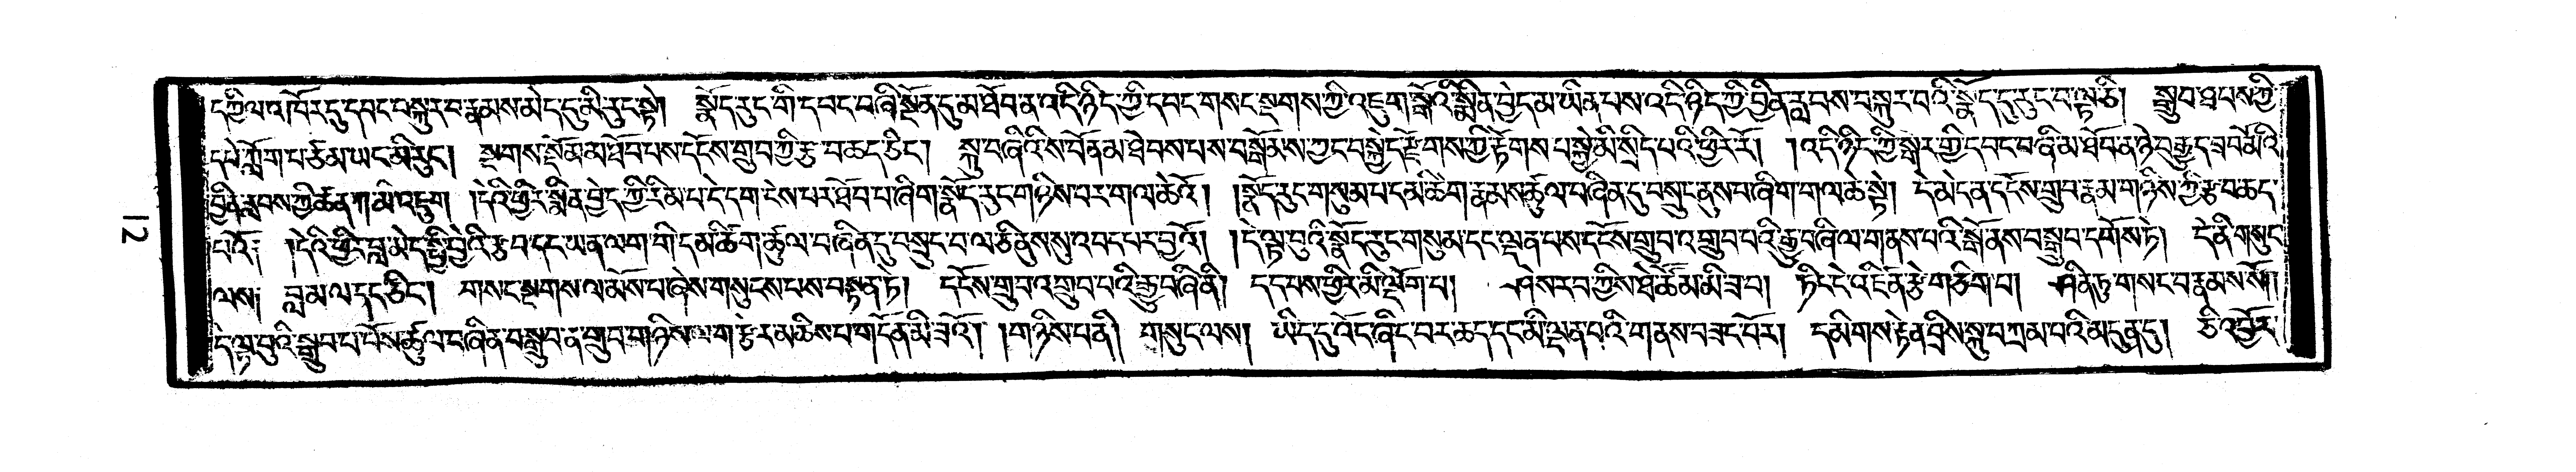དཀྱིལ་འཁོར་དུ་དབང་བསྐུར་བ་རྣམས་མེད་དུ་མི་རུང་སྟེ། སྣོད་རུང་གི་དབང་བཞི་སྔོན་དུ་མ་ཐོབ་ན་འདི་ཉིད་ཀྱི་དབང་གསང་སྔགས་ཀྱི་འཇུག་སྒོའི་སྨིན་བྱེད་མ་ཡིན་པས་འདི་ཉིད་ཀྱི་བྱིན་རླབས་བསྐུར་བའི་སྣོད་དུ་རུང་བ་ལྟ་ཅི། སྒྲུབ་ཐབས་ཀྱི་
དཔེ་ཀློག་པ་ཙམ་ཡང་མི་རུང་། སྔགས་སྡོམ་མ་ཐོབ་པས་དངོས་གྲུབ་ཀྱི་རྩ་བ་ཆད་ཅིང་། སྐུ་བཞིའི་ས་བོན་མ་ཐེབས་པས་བསྒོམས་ཀྱང་བསྐྱེད་རྫོགས་ཀྱི་རྟོགས་པ་སྐྱེ་མི་སྲིད་པའི་ཕྱིར་རོ། །འདི་ཉིད་ཀྱི་སྒེར་གྱི་དབང་བཞི་མ་ཐོབ་ན་ཉེ་བ་རྒྱུད་ཟབ་མོའི་
བྱིན་རླབས་ཀྱི་ཚན་པ་མི་འཇུག །དེའི་ཕྱིར་སྨིན་བྱེད་ཀྱི་རིམ་པ་དེ་དག་ངེས་པར་ཐོབ་པ་ཞིག་སྣོད་རུང་གཉིས་པར་གལ་ཆེའོ། །སྣོད་རུང་གསུམ་པ་དམ་ཚིག་རྣམས་ཚུལ་བཞིན་དུ་བསྲུང་ནུས་པ་ཞིག་གལ་ཆེ་སྟེ། དེ་མེད་ན་དངོས་གྲུབ་རྣམ་གཉིས་ཀྱི་རྩ་བ་ཆད་
པའོ༑ །དེའི་ཕྱིར་བླ་མེད་སྤྱི་བྱེའི་རྩ་བ་དང་ཡན་ལག་གི་དམ་ཚིག་ཚུལ་བཞིན་དུ་བསྲུང་བ་ལ་ཅི་ནུས་སུ་འབད་པར་བྱའོ། །དེ་ལྟ་བུའི་སྣོད་རུང་གསུམ་དང་ལྡན་པས་དངོས་གྲུབ་འགྲུབ་པའི་རྒྱུ་བཞི་ལ་གནས་པའི་སྒོ་ནས་བསྒྲུབ་དགོས་ཏེ། དེ་ནི་གསུང་
ལས༑ བླ་མ་ལ་དད་ཅིང་། གསང་སྔགས་ལ་མོས་བ་ཞེས་གསུངས་པས་བསྟན་ཏེ། དངོས་གྲུབ་འགྲུབ་པའི་རྒྱུ་བཞི་ནི། དད་པས་ཕྱིར་མི་ལྡོག་པ། ཤེས་རབ་ཀྱིས་ཐེ་ཚོམ་མི་ཟ་བ། ཏིང་ངེ་འཛིན་རྩེ་གཅིག་པ། ཤིན་ཏུ་གསང་བ་རྣམས་སོ། །
དེ་ལྟ་བུའི་སྒྲུབ་པ་པོས་ཚུལ་བཞིན་བསྒྲུབ་ན་གྲུབ་གཉིས་ལག་རྩེར་མཆིས་པ་གདོན་མི་ཟའོ། །གཉིས་པ་ནི། གསུང་ལས། ཡིད་དུ་འོང་ཞིང་བར་ཆད་དང་མི་ལྡན་པའི་གནས་བཟང་པོར། དམིགས་རྟེན་བྲིས་སྐུ་བཀྲ་མ་པའི་མདུན་དུ། ཅི་འབྱོར་